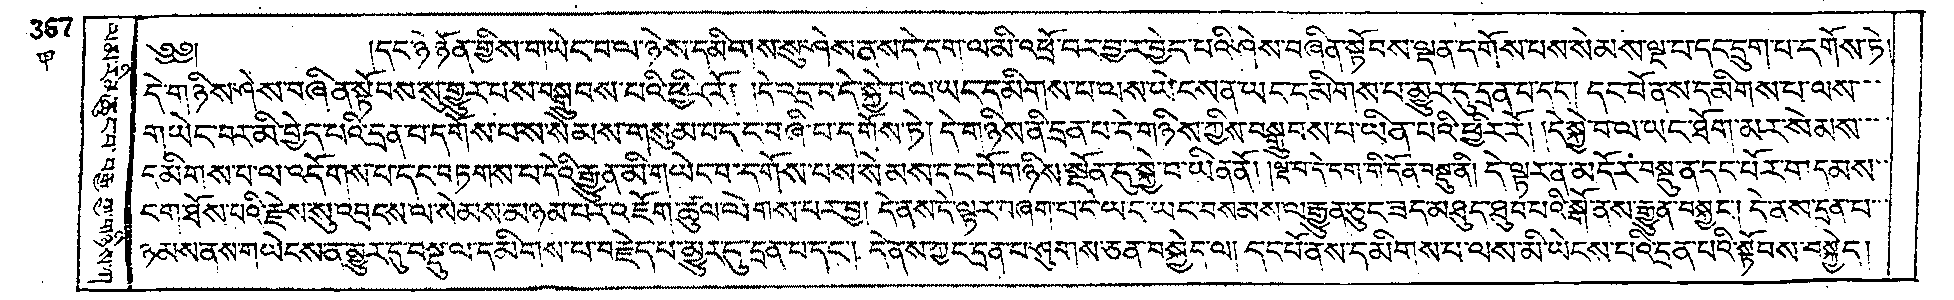༄༅། །དང་ཉེ་ཉོན་གྱིས་གཡེང་བ་ལ་ཉེས་དམིགས་སུ་ཤེས་ནས་དེ་དག་ལ་མི་འཕྲོ་བར་བྱར་བྱེད་པའི་ཤེས་བཞིན་སྟོབས་ལྡན་དགོས་པས་སེམས་ལྔ་པ་དང་དྲུག་པ་དགོས་ཏེ།
དེ་གཉིས་ཤེས་བཞིན་སྟོབས་སུ་གྱུར་པས་བསྒྲུབས་པའི་ཕྱིར་རོ། །དེ་འདྲ་བ་དེ་སྐྱེ་བ་ལ་ཡང་དམིགས་པ་ལས་ཡེངས་ན་ཡང་དམིགས་པ་མྱུར་དུ་དྲན་པ་དང་། དང་པོ་ནས་དམིགས་པ་ལས་
གཡེང་བར་མི་བྱེད་པའི་དྲན་པ་དགོས་པས་སེམས་གསུམ་པ་དང་བཞི་པ་དགོས་ཏེ། དེ་གཉིས་ནི་དྲན་པ་དེ་གཉིས་ཀྱིས་བསྒྲུབས་པ་ཡིན་པའི་ཕྱིར་རོ། །དེ་སྐྱེ་བ་ལ་ཡང་ཐོག་མར་སེམས་
དམིགས་པ་ལ་འདོགས་པ་དང་བཏགས་པ་དེའི་རྒྱུན་མི་གཡེང་བ་དགོས་པས་སེམས་དང་པོ་གཉིས་སྔོན་དུ་སྐྱེ་བ་ཡིན་ནོ། །ལྔ་པ་དེ་དག་གི་དོན་བསྡུ་ནི།  དེ་ལྟར་ན་མདོར་བསྡུ་ན་དང་པོར་གདམས་
ངག་ཐོས་པའི་རྗེས་སུ་འབྲངས་ལ་སེམས་མཉམ་པར་འཇོག་ཚུལ་ལེགས་པར་བྱ། དེ་ནས་དེ་ལྟར་བཞག་པ་དེ་ཡང་ཡང་བསམས་ལ་རྒྱུན་ཅུང་ཟད་མཐུད་ཐུབ་པའི་སྒོ་ནས་རྒྱུན་བསྐྱང་། དེ་ནས་དྲན་པ་
ཉམས་ནས་གཡེངས་ན་མྱུར་དུ་བསྡུ་ལ་དམིགས་པ་བརྗེད་པ་མྱུར་དུ་དྲན་པ་དང་། དེ་ནས་ཀྱང་དྲན་པ་ཤུགས་ཅན་བསྐྱེད་ལ། དང་པོ་ནས་དམིགས་པ་ལས་མི་ཡེངས་པའི་དྲན་པའི་སྟོབས་བསྐྱེད།